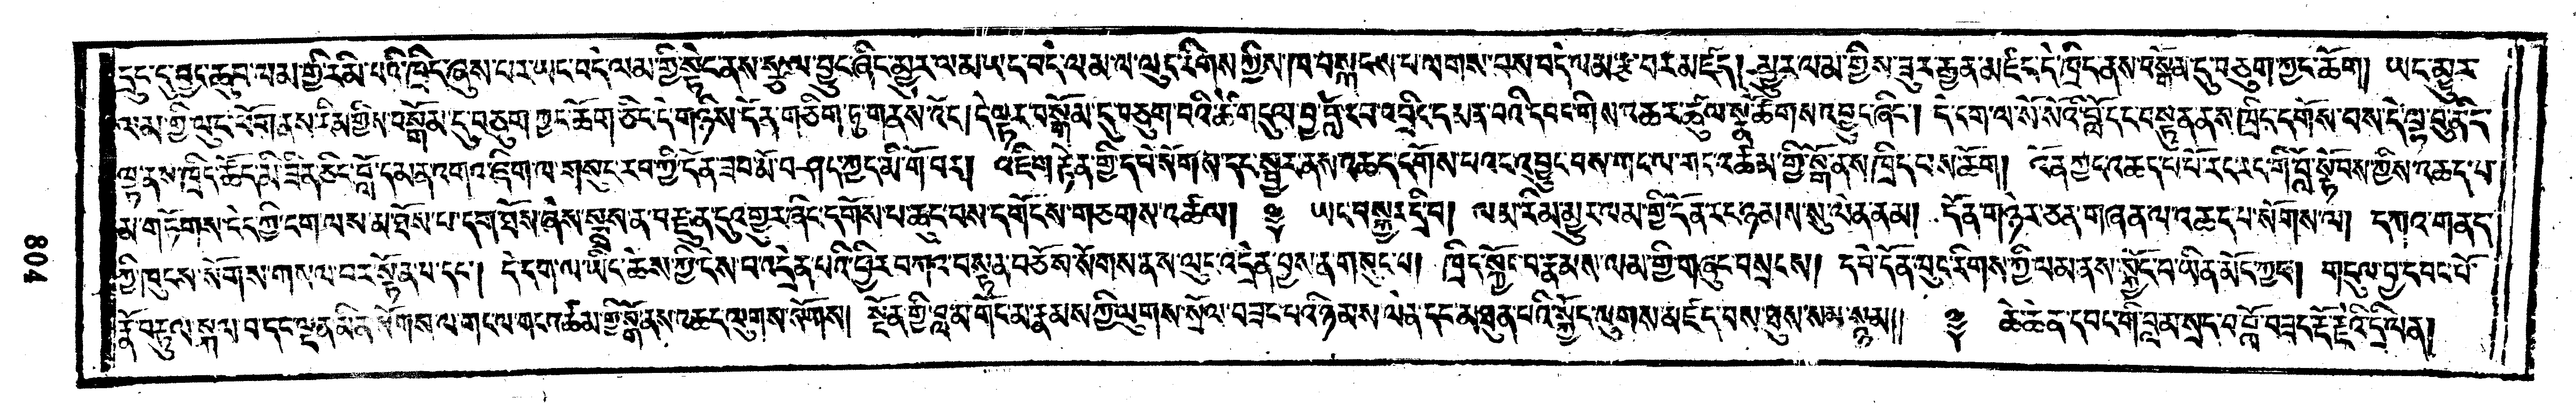དྲུང་དུ་བྱང་ཆུབ་ལམ་གྱི་རིམ་པའི་ཁྲིད་ཞུས་པར་ཡང་བདེ་ལམ་གྱི་སྟེང་ནས་སྩལ་བྱུང་ཞིང་མྱུར་ལམ་ཡང་བདེ་ལམ་ལ་ལུང་རིགས་ཀྱིས་ཁ་བསྐངས་པ་ལགས་པས་བདེ་ལམ་རྩ་བར་མཛད། མྱུར་ལམ་གྱིས་ཟུར་རྒྱན་མཛད་དེ་ཁྲིད་ནས་བསྒོམ་དུ་བཅུག་ཀྱང་ཆོག། ཡང་མྱུར་
ལམ་གྱི་ལུང་ཕོག་ནས་རིམ་གྱིས་བསྒོམ་དུ་བཅུག་ཀྱང་ཆོག་ཅིང་དེ་གཉིས་དོན་གཅིག་ཏུ་གནས་འོང་། དེ་ལྟར་བསྒོམ་དུ་བཅུག་བའི་ཚེ་གདུལ་བྱ་བློ་རབ་འབྲིང་དམན་བའི་དབང་གིས་འཆར་ཚུལ་སྣ་ཚོགས་འབྱུང་ཞིང་། དེ་དག་ལ་སོ་སོའི་བློ་དང་བསྟུན་ནས་ཁྲིད་དགོས་བས་དེ་ལྟ་བུ་ནི་ད་
ལྟ་ནས་ཁྲིད་ཚོད་མི་ཟིན་ཅིང་བློ་དམན་འགའ་ཞིག་ལ་གསུང་རབ་ཀྱི་དོན་ཟབ་མོ་བཤད་ཀྱང་མི་གོ་བར། འཇིག་རྟེན་གྱི་དཔེ་སོགས་དང་སྦྱར་ནས་འཆད་དགོས་པའང་འབྱུང་བས་གང་ལ་གང་འཚམ་གྱི་སྒོ་ནས་ཁྲིད་པས་ཆོག། འོན་ཀྱང་འཆད་པ་པོ་རང་རང་གི་བློ་སྟོབས་ཀྱིས་འཆད་པ་
མ་གཏོགས་དེད་ཀྱི་དག་ལས་མ་ཐོས་པ་དག་ཐོས་ཞེས་སྨྲས་ན་བརྫུན་དུ་འགྱུར་ཞིང་དགོས་པ་ཆུད་བས་དགོངས་གཅགས་འཚལ། ༈ ཡང་བསྐྱར་དྲི་བ། ལམ་རིམ་མྱུར་ལམ་གྱི་དོན་རང་ཉམས་སུ་ལེན་ནམ། དོན་གཉེར་ཅན་གཞན་ལ་འཆད་པ་སོགས་ལ། དཀའ་གནད་
ཀྱི་ཁུངས་སོགས་གསལ་བར་སྟོན་པ་དང་། དེ་དག་ལ་ཡིད་ཆེས་ཀྱི་ངེས་པ་འདྲེན་པའི་ཕྱིར་བཀའ་བསྟན་བཅོས་སོགས་ནས་ལུང་འདྲེན་བྱས་ན་གསུང་པ། ཁྲིད་སྐྱོང་བ་རྣམས་ལམ་གྱི་གཞུང་བསྲངས། དཔེ་དོན་ལུང་རིགས་ཀྱི་ལམ་ནས་སྐྱོང་བ་ཡིན་མོད་ཀྱང་། གདུལ་བྱ་དབང་པོ་
རྣོ་བརྟུལ་སྐལ་བ་དང་ལྡན་མིན་སོགས་ལ་གང་ལ་གང་འཚམ་གྱི་སྒོ་ནས་འཆད་ལུགས་སོགས། སྔོན་གྱི་བླ་མ་གོང་མ་རྣམས་ཀྱི་ལུགས་སྲོལ་བཟང་པའི་ཉམས་ལེན་དང་མཐུན་པའི་སྐྱོད་ལུགས་མཛད་བས་ཐུས་སམ་སྙམ།། ༈ ཆེ་ཆེན་དབང་གི་བླ་མ་སྲད་བ་བློ་བཟང་རྡོ་རྗེའི་དྲི་ལན།